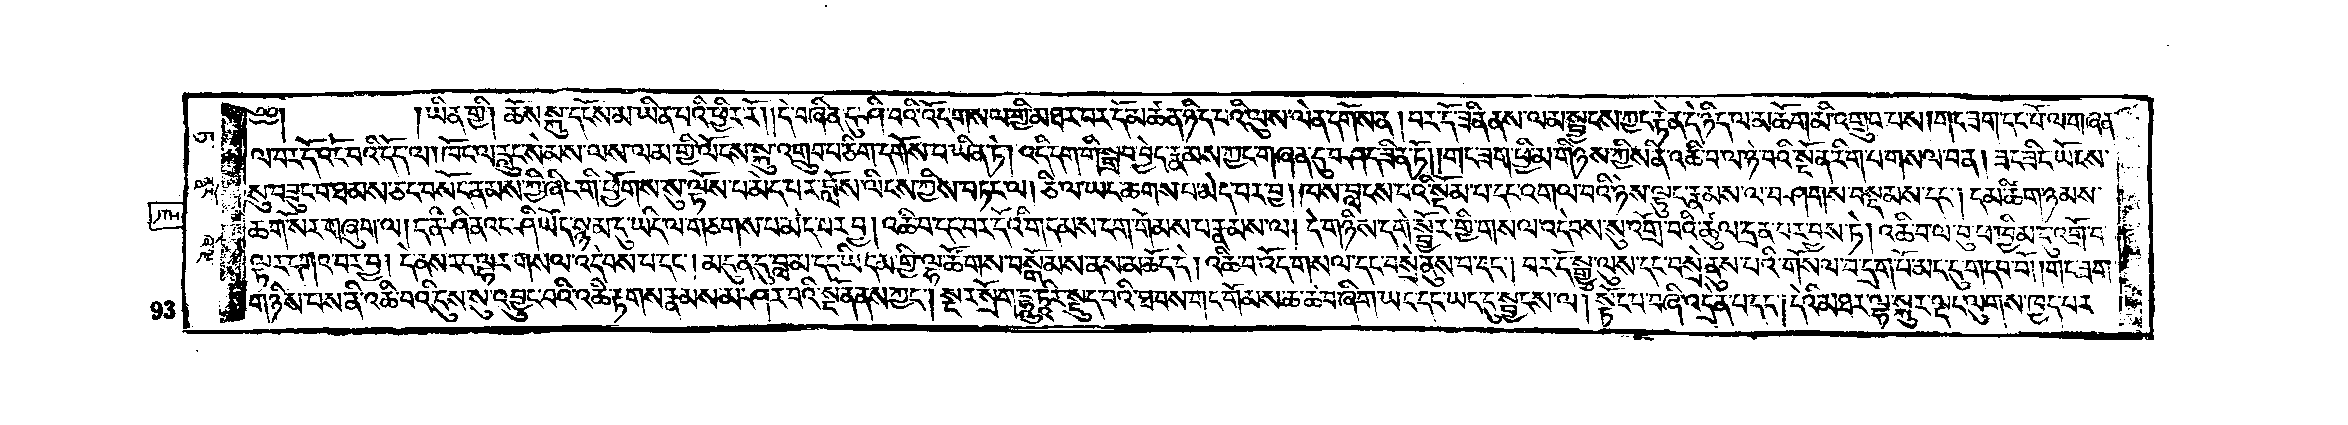༄༅། །ཡིན་གྱི། ཆོས་སྐུ་དངོས་མ་ཡིན་པའི་ཕྱིར་རོ། །དེ་བཞིན་དུ་ཤི་བའི་འོད་གསལ་གྱི་མཐར་བར་དོ་མཚན་ཉིད་པའི་ལུས་ལེན་དགོས་ན། བར་དོ་ཟིན་ནས་ལམ་སྦྱངས་ཀྱང་རྟེན་དེ་ཉིད་ལ་མཆོག་མི་འགྲུབ་པས། གང་ཟག་དང་པོ་ལ་གཞན་
ལ་བར་དོ་འོང་བའི་དོད་ལ། །ཁོང་ལ་རླུང་སེམས་ལས་ལམ་གྱི་ལོངས་སྐུ་འགྲུབ་པ་ཅིག་དགོས་པ་ཡིན་ཏེ། འདི་དག་གི་སྒྲུབ་བྱེད་རྣམས་ཀྱང་གཞན་དུ་བཤད་ཟིན་ཏོ། །གང་ཟག་ཕྱི་མ་གཉིས་ཀྱིས་ནི་འཆི་བ་ལ་ཉེ་བའི་སྔོན་རིག་པ་གསལ་བ་ན། ཟང་ཟིང་ཡོངས་
སུ་བཟུང་བ་ཐམས་ཅད་བསོད་ནམས་ཀྱི་ཞིང་གི་ཕྱོགས་སུ་ལྟོས་པ་མེད་པར་བློས་ལིངས་ཀྱིས་བཏང་ལ། ཅི་ལ་ཡང་ཆགས་པ་མེད་པར་བྱ། ཁས་བླངས་པའི་སྡོམ་པ་དང་འགལ་བའི་ཉེས་ལྟུང་རྣམས་ལ་བཤགས་བསྡམས་དང་། དམ་ཚིག་ཉམས་
ཆག་སོར་གཞུག་ལ། ད་ནི་ཤི་ནའང་ཤི་མོད་སྙམ་དུ་ཡིད་ལ་གཅགས་པ་མེད་པར་བྱ། འཆི་བ་དང་བར་དོའི་གདམས་ངག་གོམས་པ་རྣམས་ལ། དེ་གཉིས་དགེ་སྦྱོར་གྱི་གསལ་འདེབས་སུ་འགྲོ་བའི་ཚུལ་དྲན་པར་བྱས་ཏེ། འཆི་བ་ལ་བུ་ཕ་ཁྱིམ་དུ་འགྲོ་བ་
ལྟར་དགའ་བར་བྱ། དེ་ནས་རང་ལྷར་གསལ་འདེབས་པ་དང་། མདུན་དུ་བླ་མ་དང་ཡི་དམ་གྱི་ལྷ་ཚོགས་བསྒོམས་ནས་མཆོད་དེ། འཆི་བ་འོད་གསལ་དང་བསྲེ་ནུས་པ་དང་། བར་དོ་སྒྱུ་ལུས་དང་བསྲེ་ནུས་པའི་གསོལ་བ་དྲག་པོ་མང་དུ་གདབ་བོ། །གང་ཟག་
གཉིས་པས་ནི་འཆི་བའི་དུས་སུ་འབྱུང་བའི་འཆི་རྟགས་རྣམས་མ་ཤར་བའི་སྔོན་ནས་ཀྱང་། སྔར་སྲོག་དྷཱུ་ཏཱིར་སྡུད་པའི་ཐབས་གང་གོམས་ཆ་ཆེ་བ་ཞིག་ཡང་དང་ཡང་དུ་སྦྱངས་ལ། སྟོང་པ་བཞི་འདྲེན་པ་དང་། དེའི་མཐར་ལྷ་སྐུར་ལྡང་ལུགས་ཁྱད་པར་